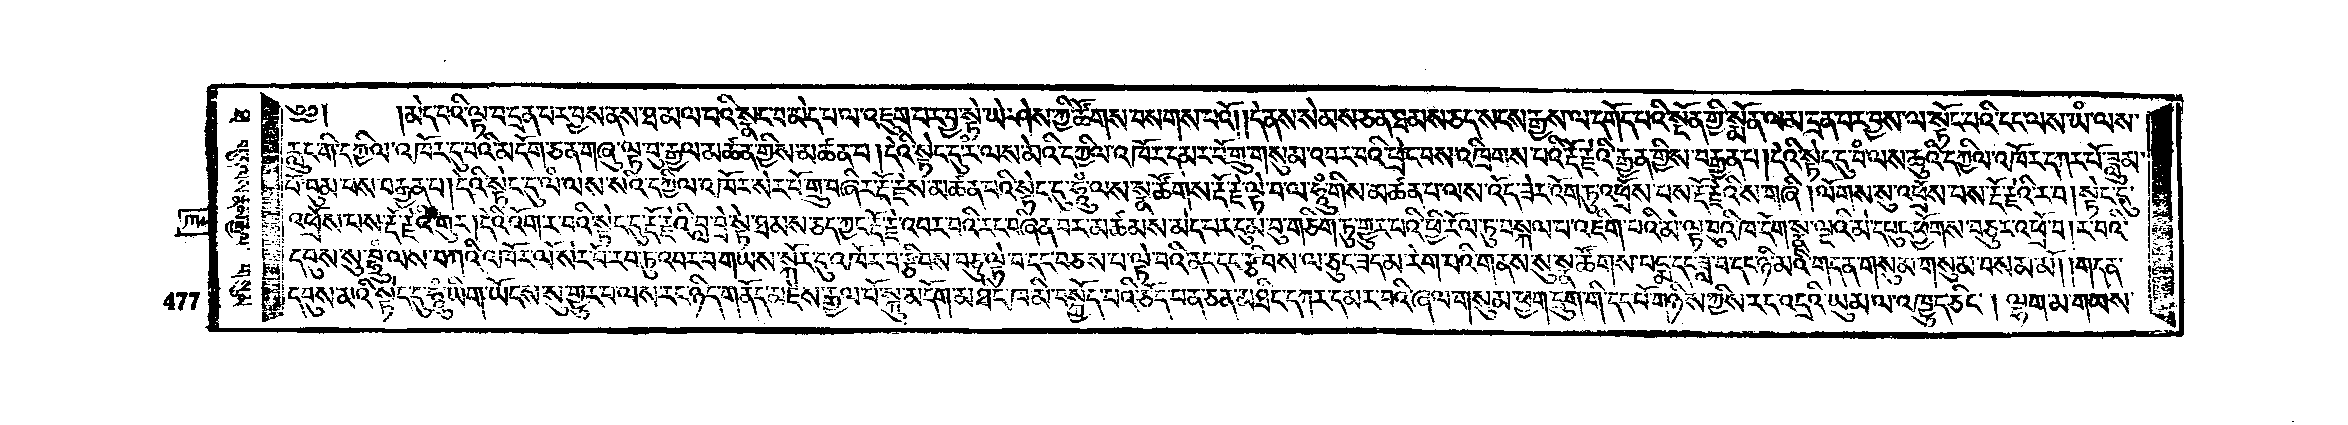༄༅། །མེད་པའི་ལྟ་བ་དྲན་པར་བྱས་ནས་ཐ་མལ་པའི་སྣང་བ་མེད་པ་ལ་འཇུག་པར་བྱ་སྟེ་ཡེ་ཤེས་ཀྱི་ཚོགས་བསགས་པའོ། །དེ་ནས་སེམས་ཅན་ཐམས་ཅད་སངས་རྒྱས་ལ་དགོད་པའི་སྔོན་གྱི་སྨོན་ལམ་དྲན་པར་བྱས་ལ་སྟོང་པའི་ངང་ལས་ཡཾ་ལས་
རླུང་གི་དཀྱིལ་འཁོར་དུ་བའི་མདོག་ཅན་གཞུ་ལྟ་བུ་རྒྱལ་མཚན་གྱིས་མཚན་པ། དེའི་སྟེང་དུ་རཾ་ལས་མེའི་དཀྱིལ་འཁོར་དམར་པོ་གྲུ་གསུམ་འབར་བའི་ཕྲེང་བས་འཁྲིགས་པའི་རྡོ་རྗེའི་རྒྱན་གྱིས་བརྒྱན་པ། དེའི་སྟེང་དུ་བཾ་ལས་ཆུའི་དཀྱིལ་འཁོར་དཀར་པོ་ཟླུམ་
པོ་བུམ་པས་བརྒྱན་པ། དེའི་སྟེང་དུ་ལཾ་ལས་སའི་དཀྱིལ་འཁོར་སེར་པོ་གྲུ་བཞིར་རྡོ་རྗེས་མཚན་པའི་སྟེང་དུ་ཧཱུཾ་ལས་སྣ་ཚོགས་རྡོ་རྗེ་ལྟེ་བ་ལ་ཧཱུཾ་གིས་མཚན་པ་ལས་འོད་ཟེར་འོག་ཏུ་འཕྲོས་པས་རྡོ་རྗེའི་ས་གཞི། ལོགས་སུ་འཕྲོས་པས་རྡོ་རྗེའི་ར་བ། སྟེང་དུ་
འཕྲོས་པས་རྡོ་རྗེའི་གུར། དེའི་འོག་ར་བའི་སྟེང་དུ་རྡོ་རྗེའི་བླ་བྲེ་སྟེ་ཐམས་ཅད་ཀྱང་རྡོ་རྗེ་འབར་བའི་རང་བཞིན་བར་མཚམས་མེད་པར་དུམ་བུ་གཅིག་ཏུ་གྱུར་པའི་ཕྱི་རོལ་ཏུ་བསྐལ་པ་འཇིག་པའི་མེ་ལྟ་བུའི་ཁ་དོག་སྣ་ལྔའི་མེ་དཔུང་ཕྱོགས་བཅུར་འཕྲོ་བ། ར་བའི་
དབུས་སུ་བྷྲུཾ་ལས་བཀའི་འཁོར་ལོ་སེར་པོ་རབ་ཏུ་འབར་བ་གཡས་སྐོར་དུ་འཁོར་བ་རྩིབས་བཅུ་ལྟེ་བ་དང་བཅས་པ་ལྟེ་བའི་ནང་དང་རྩིབས་ལ་ཅུང་ཟད་མ་རེག་པའི་གནས་སུ་སྣ་ཚོགས་པདམ་དང་ཟླ་བ་དང་ཉི་མའི་གདན་གསུམ་གསུམ་བསམ་མོ། །གདན་
དབུས་མའི་སྟེང་དུ་ཧཱུཾ་ཡིག་ཡོངས་སུ་གྱུར་པ་ལས་རང་ཉིད་གནོད་མཛེས་རྒྱལ་པོ་སྐུ་མདོག་མཐིང་ཁ་མི་བསྐྱོད་པའི་ཅོད་པན་ཅན་མཐིང་དཀར་དམར་བའི་ཞལ་གསུམ་ཕྱག་དྲུག་གི་དང་པོ་གཉིས་ཀྱིས་རང་འདྲའི་ཡུམ་ལ་འཁྱུད་ཅིང་། ལྷག་མ་གཡས་